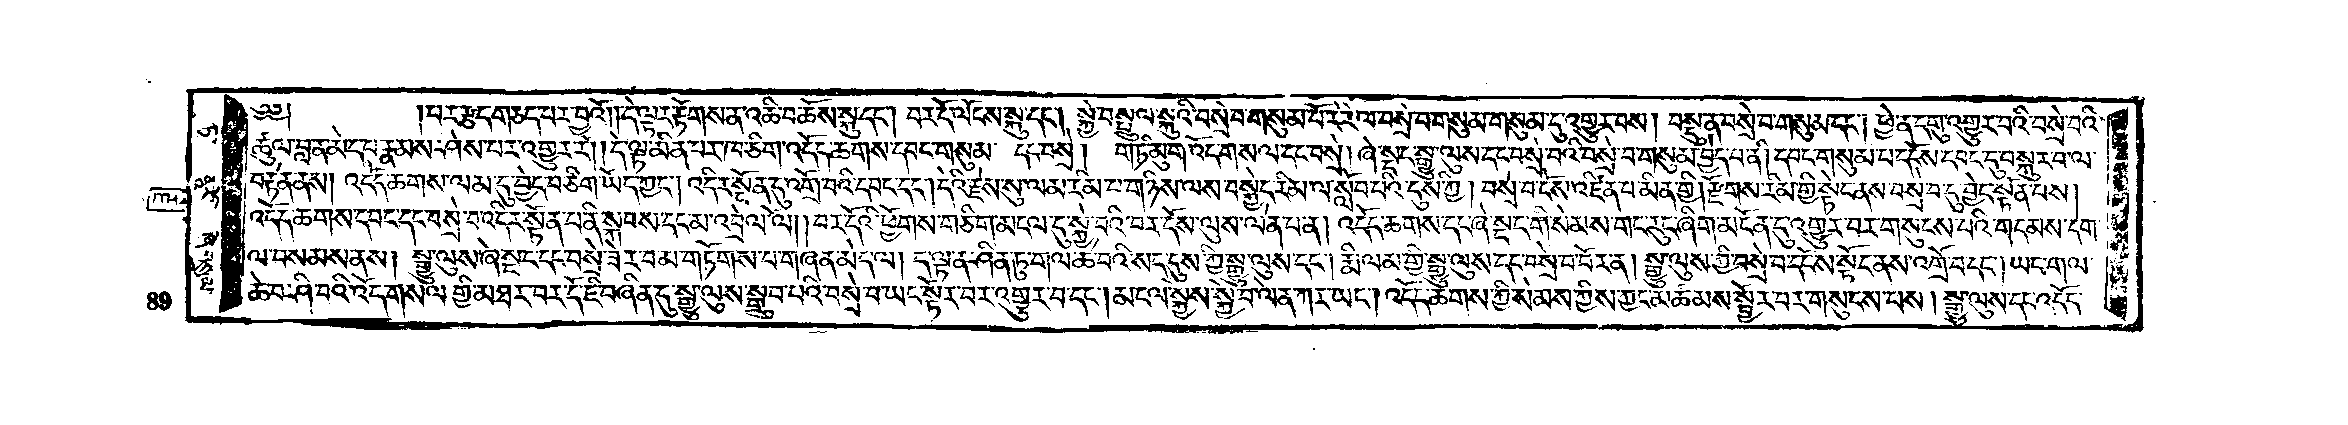༄༅། །པར་རྩད་གཅད་པར་བྱའོ། །དེ་ལྟར་རྟོགས་ན་འཆི་བ་ཆོས་སྐུ་དང་། བར་དོ་ལོངས་སྐུ་དང་། སྐྱེ་བ་སྤྲུལ་སྐུའི་བསྲེ་བ་གསུམ་པོ་རེ་རེ་ལ་བསྲེ་བ་གསུམ་གསུམ་དུ་འགྱུར་བས། བསྡུ་ན་བསྲེ་བ་གསུམ་དང་། ཕྱེ་ན་དགུ་འགྱུར་བའི་བསྲེ་བའི་
ཚུལ་བླ་ན་མེད་པ་རྣམས་ཤེས་པར་འགྱུར་རོ། །དེ་ལྟ་མིན་པར་ཁ་ཅིག་འདོད་ཆགས་དབང་གསུམ་པ་དང་བསྲེ། གཏི་མུག་འོད་གསལ་དང་བསྲེ། ཞེ་སྡང་སྒྱུ་ལུས་དང་བསྲེ་བའི་བསྲེ་བ་གསུམ་བྱེད་པ་ནི། དབང་གསུམ་པ་དངོས་དབང་དུ་བསྐུར་བ་ལ་
བརྟེན་ནས། འདོད་ཆགས་ལམ་དུ་བྱེད་པ་ཅིག་ཡོད་ཀྱང་། འདིར་སྔོན་དུ་འགྲོ་བའི་དབང་དང་། དེའི་རྗེས་སུ་ལམ་རིམ་པ་གཉིས་ལས་བསྐྱེད་རིམ་ལ་སློབ་པའི་དུས་ཀྱི། བསྲེ་བ་ངོས་འཛིན་པ་མིན་གྱི། རྫོགས་རིམ་གྱི་སྟེང་ནས་བསྲེ་བ་དུ་བྱེད་སྟོན་པས།
འདོད་ཆགས་དབང་དང་བསྲེ་བ་འདིར་སྟོན་པ་ནི་སྐབས་དང་མ་འབྲེལ་ལོ། །བར་དོའི་ཕྱོགས་གཅིག་མངལ་དུ་སྐྱེ་བའི་བར་དོས་ལུས་ལེན་པ་ན། འདོད་ཆགས་དང་ཞེ་སྡང་གི་སེམས་གང་རུང་ཞིག་མངོན་དུ་འགྱུར་བར་གསུངས་པའི་གདམས་ངག་
ལ་བསམས་ནས། སྒྱུ་ལུས་ཞེ་སྡང་དང་བསྲེ་ཟེར་བ་མ་གཏོགས་པ་གཞན་མེད་ལ། ད་ལྟ་ན་ཤིན་ཏུ་གལ་ཆེ་བའི་སད་དུས་ཀྱི་སྒྱུ་ལུས་དང་། རྨི་ལམ་གྱི་སྒྱུ་ལུས་དང་བསྲེ་བ་བོར་ན། སྒྱུ་ལུས་ཀྱི་བསྲེ་བ་དངོས་སྟོང་ནས་འགྲོ་བ་དང་། ཡང་གལ་
ཆེ་བ་ཤི་བའི་འོད་གསལ་གྱི་མཐར་བར་དོ་ཇི་བཞིན་དུ་སྒྱུ་ལུས་སྒྲུབ་པའི་བསྲེ་བ་ཡང་སྟོར་བར་འགྱུར་བ་དང་། མངལ་སྐྱེས་སྐྱེ་བ་ལེན་ཀར་ཡང་། འདོད་ཆགས་ཀྱི་སེམས་ཀྱིས་ཀྱང་མཚམས་སྦྱོར་བར་གསུངས་པས། སྒྱུ་ལུས་དང་འདོད་